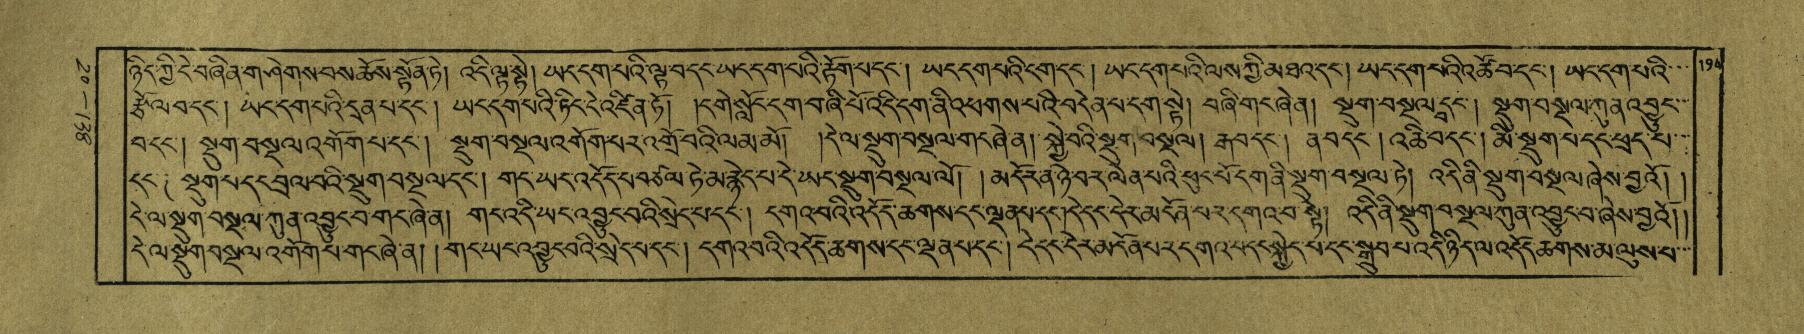ཉིད་ཀྱི་དེ་བཞིན་གཤེགས་བས་ཆོས་སྟོན་ཏེ། འདི་ལྟ་སྟེ། ཡང་དག་པའི་ལྟ་བ་དང་ཡང་དག་པའི་རྟོག་པ་དང་། ཡང་དག་པའི་ངག་དང་། ཡང་དག་པའི་ལས་ཀྱི་མཐའ་དང་། ཡང་དག་པའི་འཚོ་བ་དང་། ཡང་དག་པའི་
རྩོལ་བ་དང་། ཡང་དག་པའི་དྲན་པ་དང་། ཡང་དག་པའི་ཏིང་ངེ་འཛིན་ཏོ། །དགེ་སློང་དག་བ་ཞི་པོ་འདི་དག་ནི་འཕགས་པའི་བདེན་པ་དག་སྟེ། བཞི་གང་ཞེ་ན། སྡུག་བསྔལ་བ་དང་། སྡུག་བསྔལ་ཀུན་འབྱུང་
བ་དང་། སྡུག་བསྔལ་འགོག་པ་དང་། སྡུག་བསྔལ་འགོག་པར་འགྲོ་བའི་ལམ་མོ། །དེ་ལ་སྡུག་བསྔལ་གང་ཞེ་ན། སྐྱེ་བའི་སྡུག་བསྔལ། རྒ་བ་དང་། ན་བ་དང་། འཆི་བ་དང་། མི་སྡུག་པ་དང་ཕྲད་པ་
དང༑ སྡུག་པ་དང་བྲལ་བའི་སྡུག་བསྔལ་དང་། གང་ཡང་འདོད་པ་བཙལ་ཏེ་མ་རྙེད་པ་དེ་ཡང་སྡུག་བསྔལ་ལོ། །མདོར་ན་ཉེ་བར་ལེན་པའི་ཕུང་པོ་དག་ནི་སྡུག་བསྔལ་ཏེ། འདི་ནི་སྡུག་བསྔལ་ཞེས་བྱའོ། །
དེ་ལ་སྡུག་བསྔལ་ཀུན་འབྱུང་བ་གང་ཞེ་ན། གང་འདི་ཡང་འབྱུང་བའི་སྲེད་པ་དང་། དགའ་བའི་འདོད་ཆགས་དང་ལྡན་པ་དང་། དེ་དང་དེར་མངོན་པར་དགའ་བ་སྟེ། འདི་ནི་སྡུག་བསྔལ་ཀུན་འབྱུང་བ་ཞེས་བྱའོ།།
དེ་ལ་སྡུག་བསྔལ་འགོག་པ་གང་ཞེ་ན། །གང་ཡང་འབྱུང་བའི་སྲེད་པ་དང་། དགའ་བའི་འདོད་ཆགས་དང་ལྡན་པ་དང་། དེ་དང་དེར་མངོན་པར་དགའ་པ་དང་སྐྱེད་པ་དང་སྒྲུབ་པ་འདི་ཉིད་ལ་འདོད་ཆགས་མ་ལུས་པ་